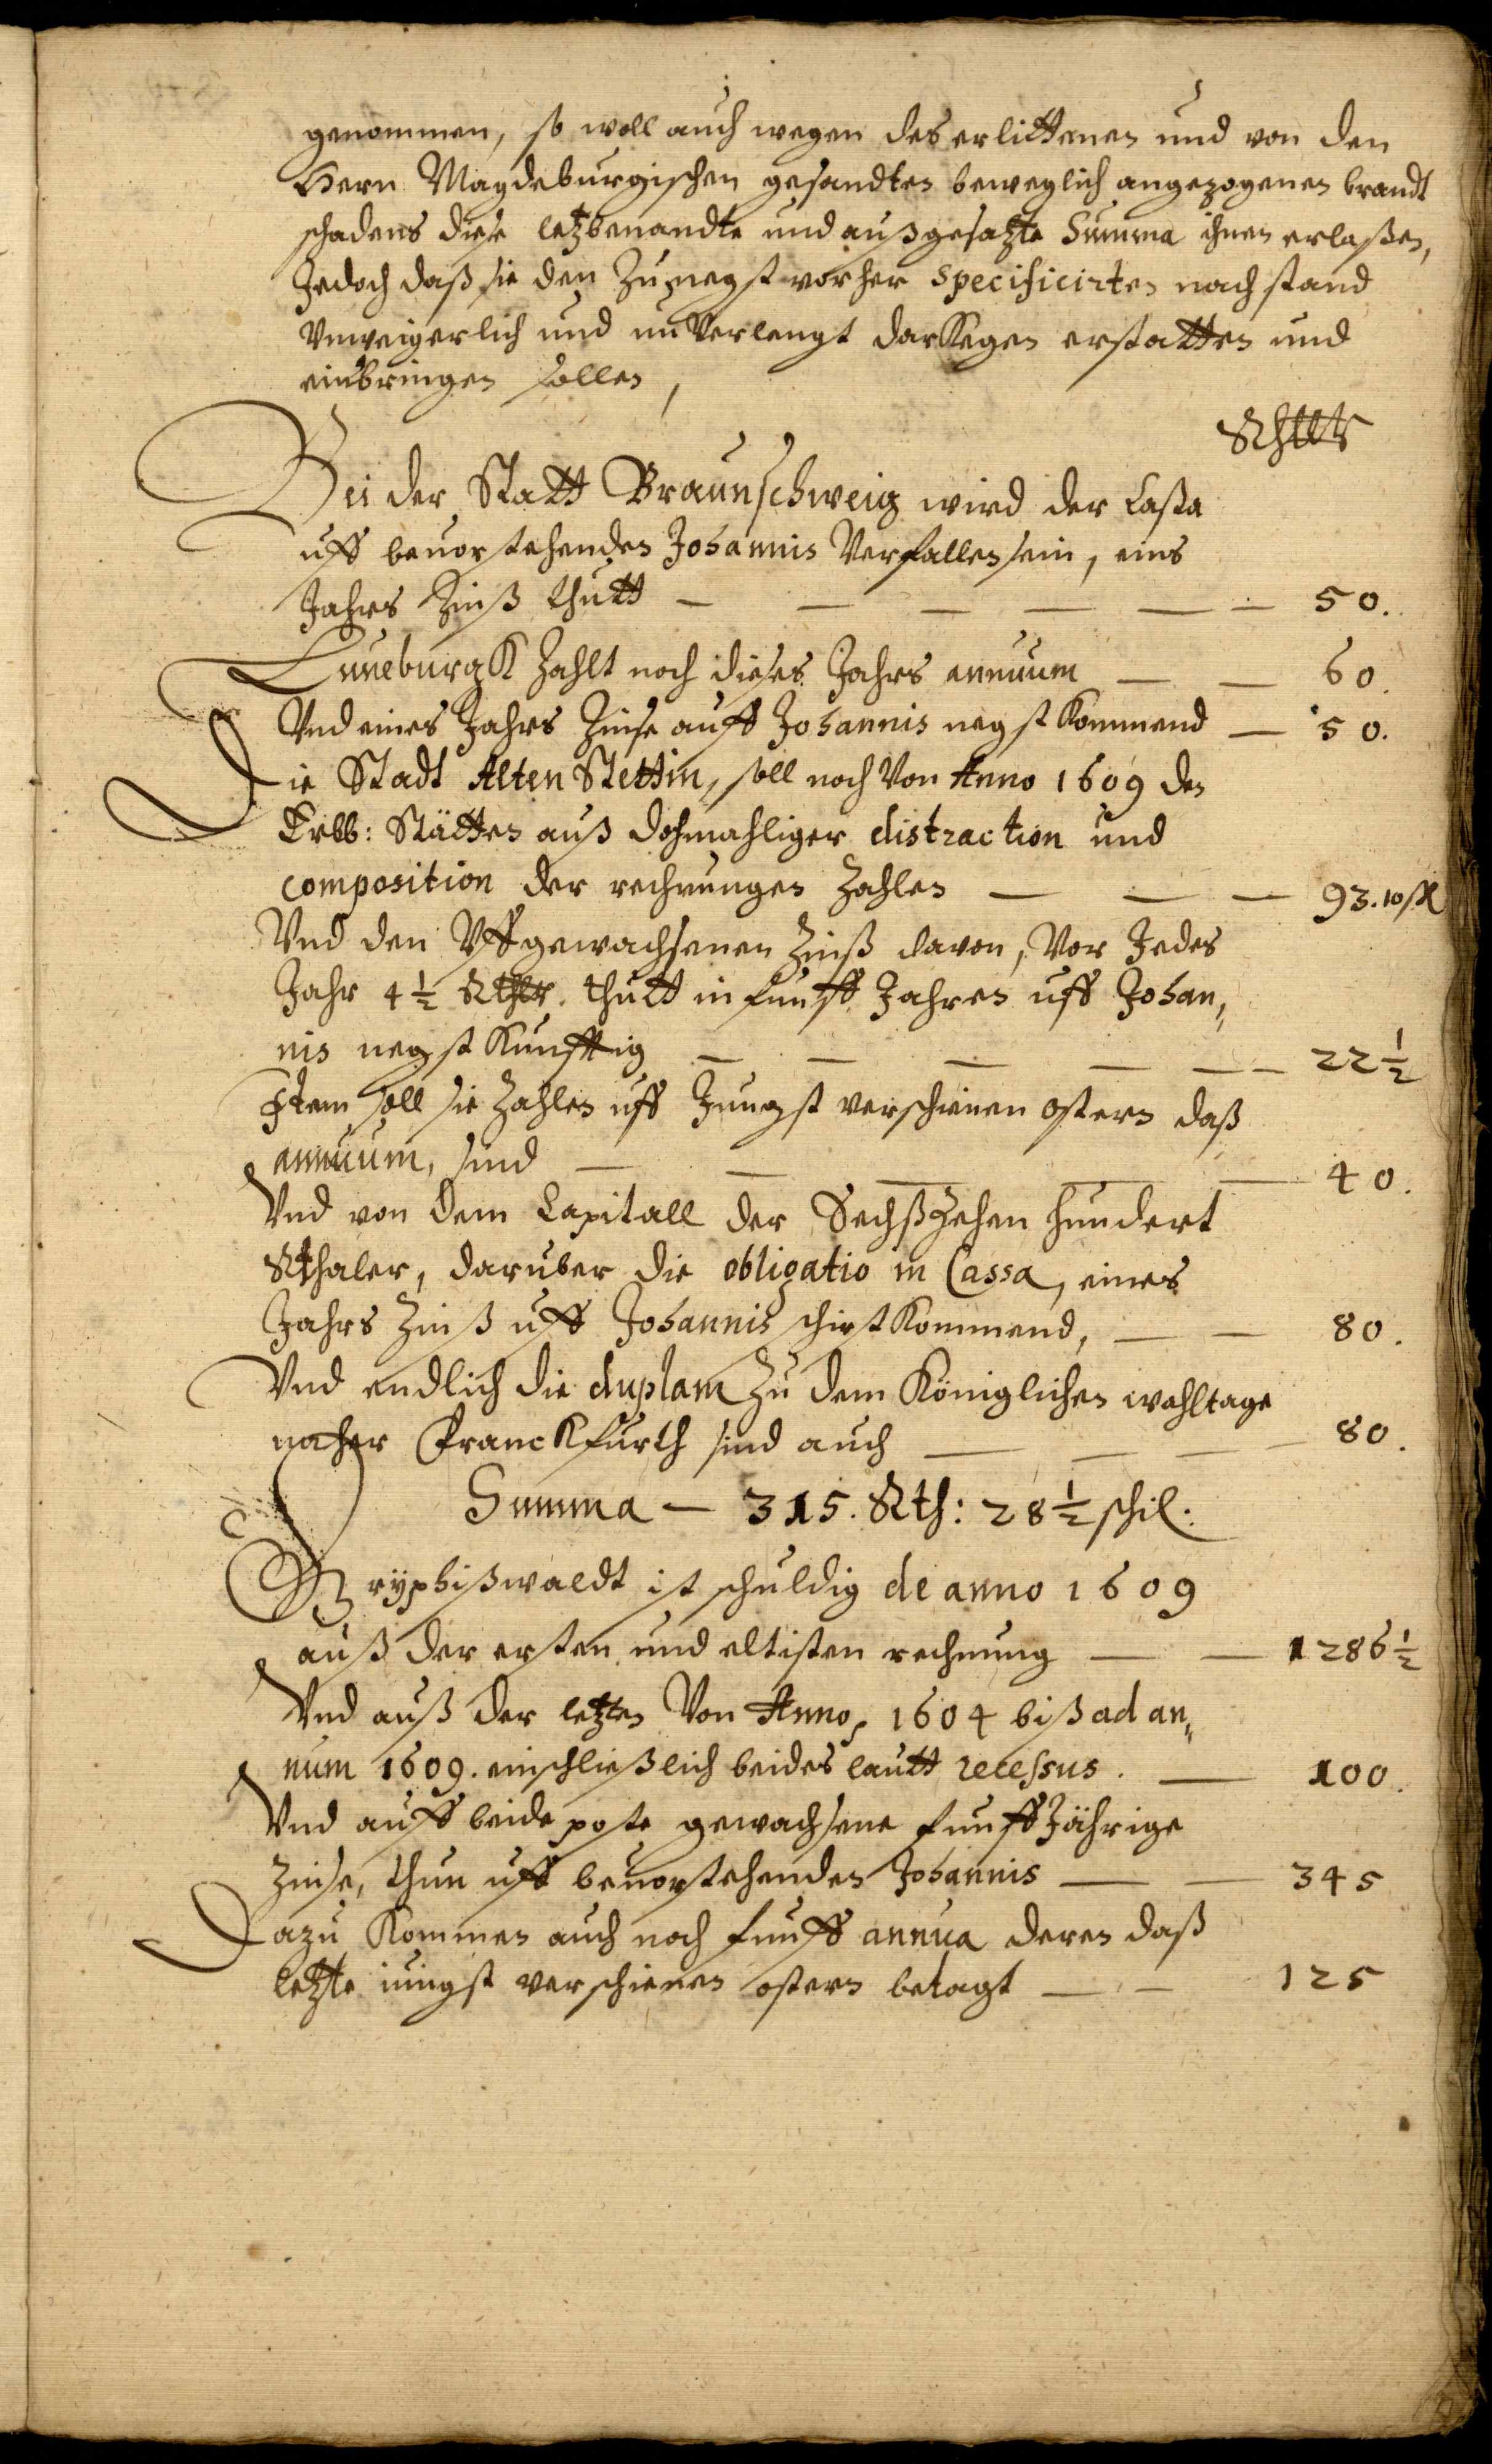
genommen, so woll auch wegen des erlittenen und von den
Hern Magdeburgischen gesandten beweglich angezogenen brandt
schadens diese letzbenandte und außgesazte Summa ihnen erlaßen,
Jedoch daß sie den zu negst vorher specificirten nachstand
vnweigerlich und unverlangt darkegen erstatten und
einbringen sollen.
Rhtlr
Bei der Statt Braunschweig wird der Caßa
uff beuorstehenden Johannis Verfallen sein, eins
Jahrs Zinß thutt - - - - - - 50
Luneburgk zahlt noch dieses Jahrs annuum - - 60.
Vnd eines Jahrs Zinse auff Johannis negstkommend - 50.
Die Stadt Alten Stettin, soll noch von Anno 1609 den
Erbb: Stätten auß dohmahliger distraction und
composition der rechnungen Zahlen - - - 93. 10ß
Vnd den Vff gewachsenen Zinß davon, vor jedes
Jahr 4½ Rthlr. thutt in funff Jahren uff Johan¬
nis negst kunfftig - - - - - - 22½
Item soll sie zahlen uff jungst verschienen ostern daß
annuum, sind - - - - - 40
Vnd von dem Capitall der Sechßzehen hundert
Rthaler, daruber die obligatio in Cassa, eines
Jahrs Zinß uff Johannis schirstkommend, - - 80.
Vnd endlich die duplam zu dem Königlichen wahltage
naher Franckfurth sind auch - - - - 80.
Summa - 315. Rth: 28½ schil:
Grijphißwaldt ist schuldig de anno 1609
auß der ersten und eltisten rechnung - - 1286½
Vnd auß der letzten von Anno p 1604 biß ad an¬
num 1609. einschließlich beides lautt recessus. -100.
Vnd auff beide poste gewachsene funff Jährige
Zinse, thun uff bevorstehenden Johannis - - 345
Dazu kommen auch noch funff annua deren daß
letzte iungst verschienen ostern betagt - - 125
